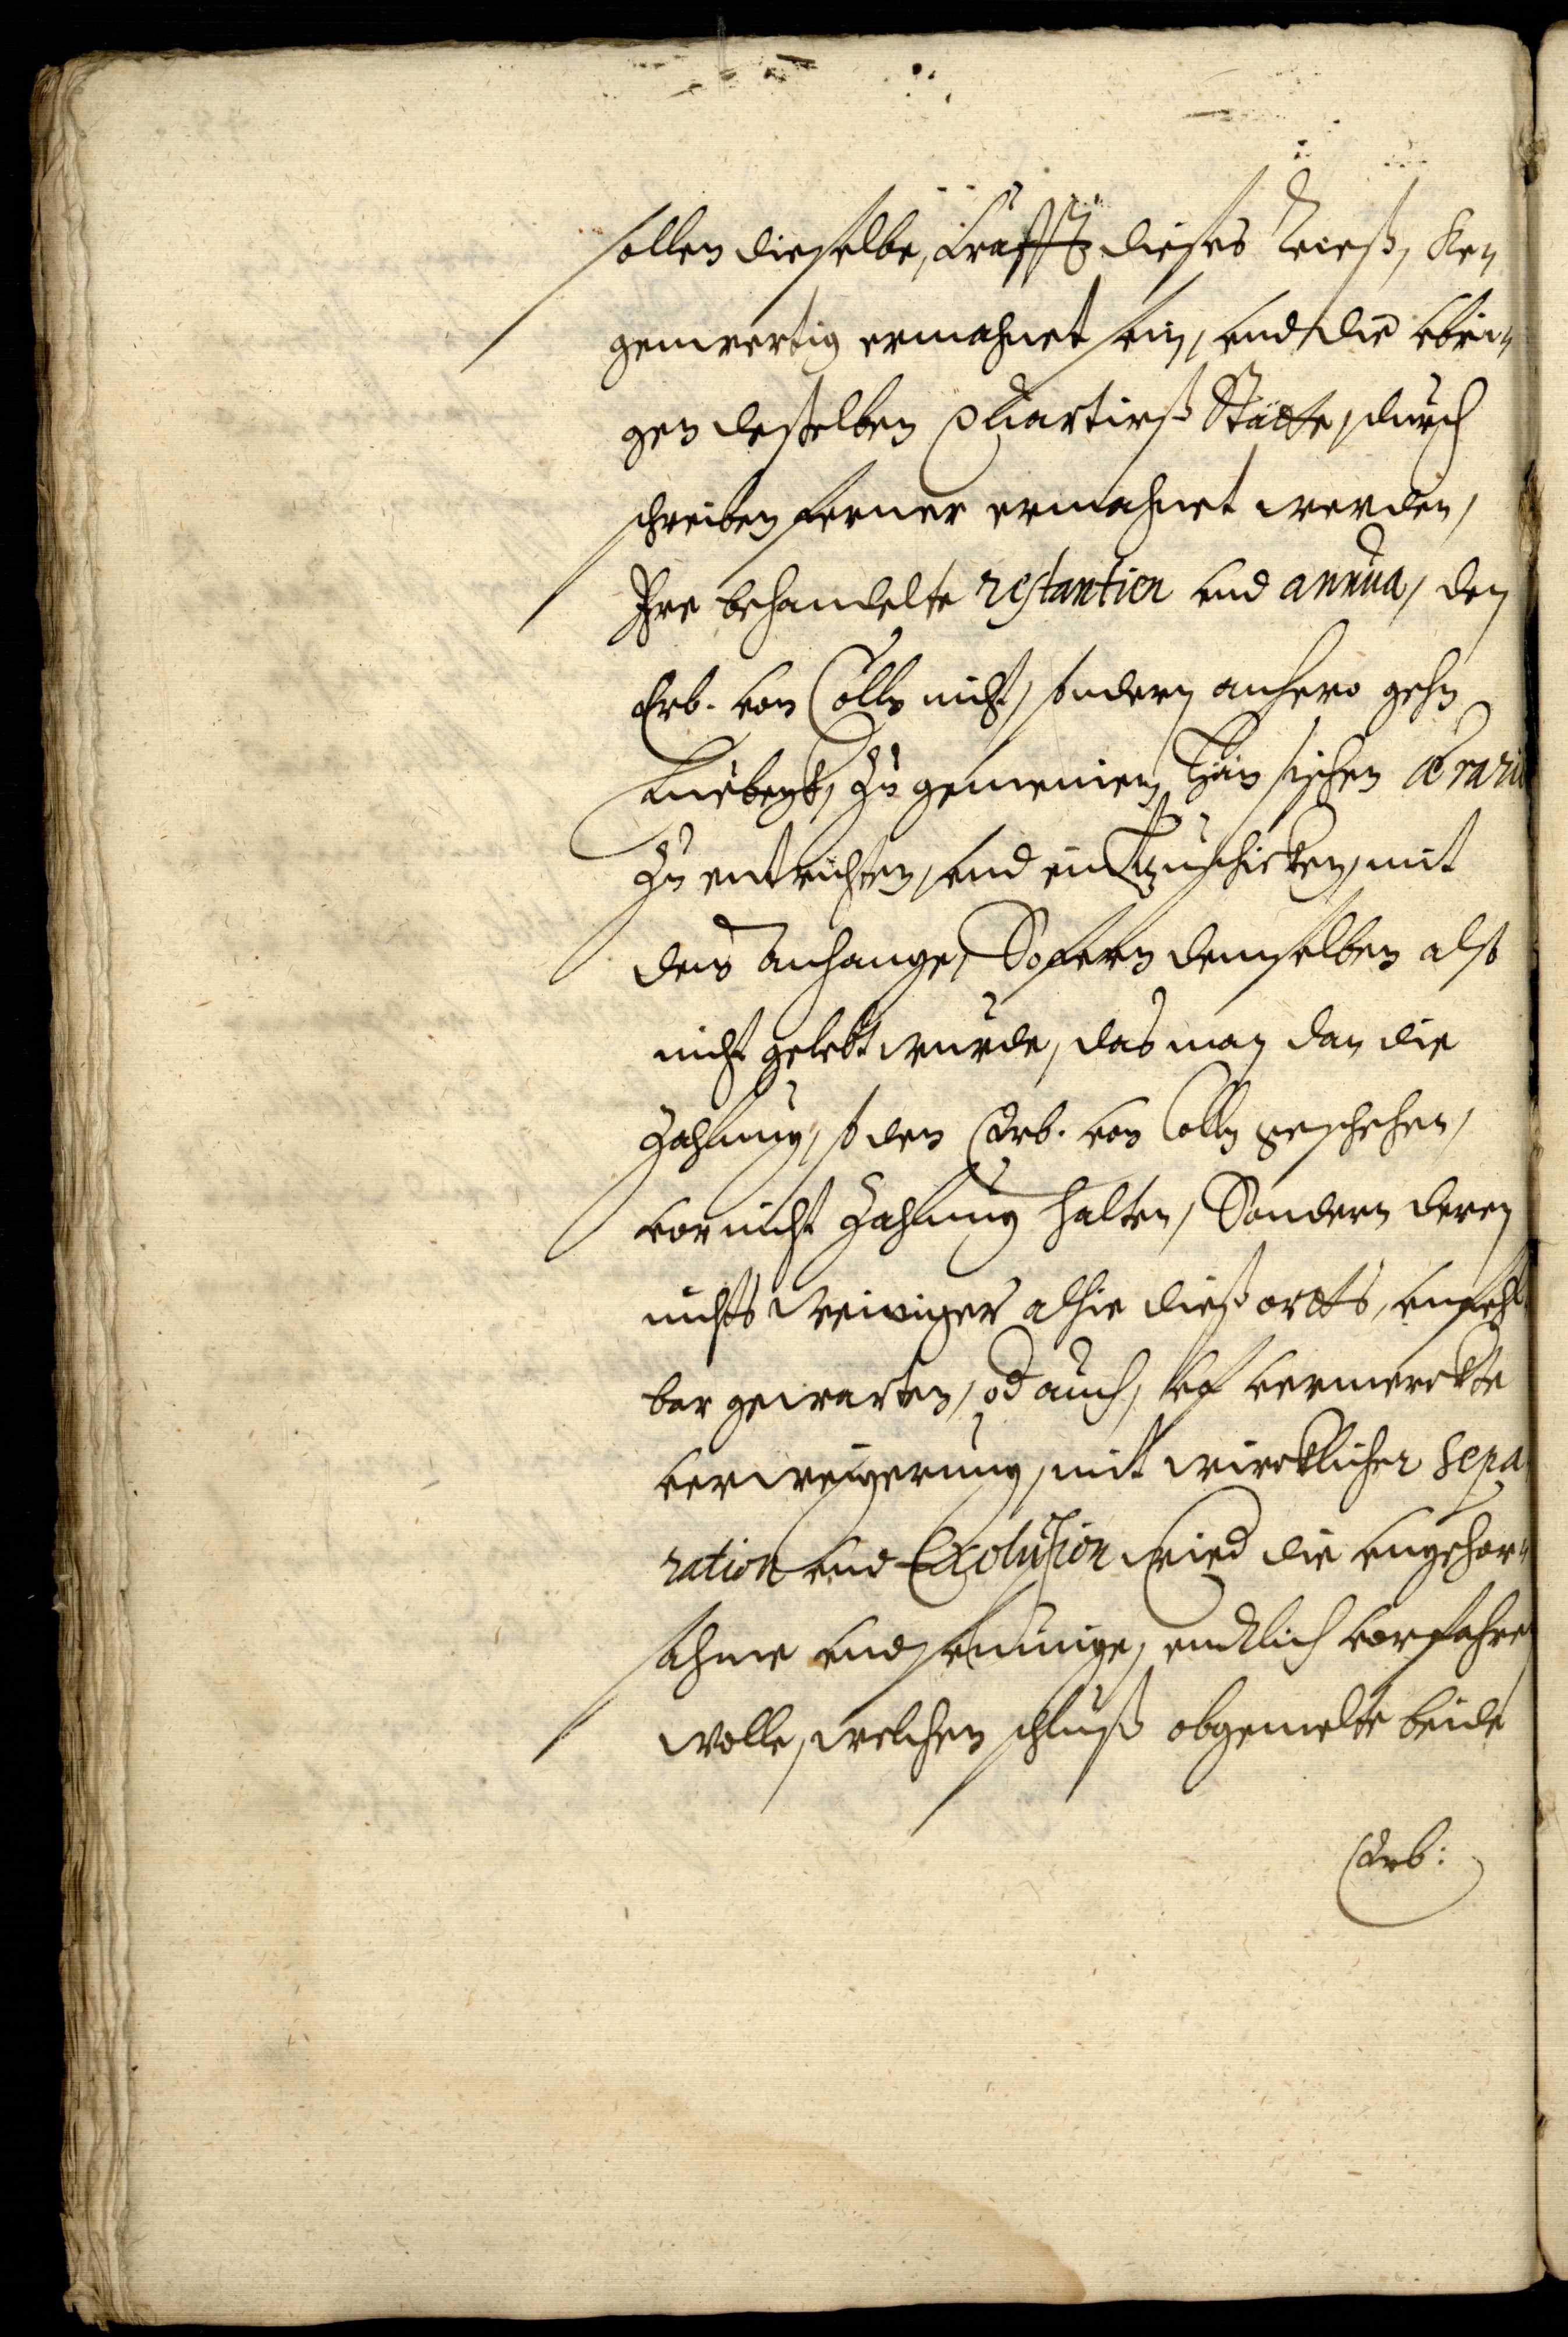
sollen dieselbe Crafft dieses receß, ke¬
genwertig ermahnet sein, vnd die vberi¬
gen desselben so quartirß Stätte, durch
schreiben ferner ermahnet werden,
Ihre behandelte restantien vnd annua, den
Erb: von Colln nicht, sondern anhero gehn
Luebegk, zu gemeinen, Hansichen aeraru
zu entrichten, vnd eintzuschicken, mit
dem Anhange, Sofern demselben alß
nicht gelebt wurde, das man dan die
zahlung, so den Erb. von Colln geschehen,
vor nicht zahlung halten, Sondern deren
nichts weiniger alhie dieß ortts vnfehl¬
bar gerarten, oder auch vf vermerckte
verweigerung, mit wurcklicher Sepa
ration vnd Eeholichior wieder die vngehor¬
sahme Exclusion, endtlich verfahren
wolle, welchen schluß obgemelte beide
Erb:
